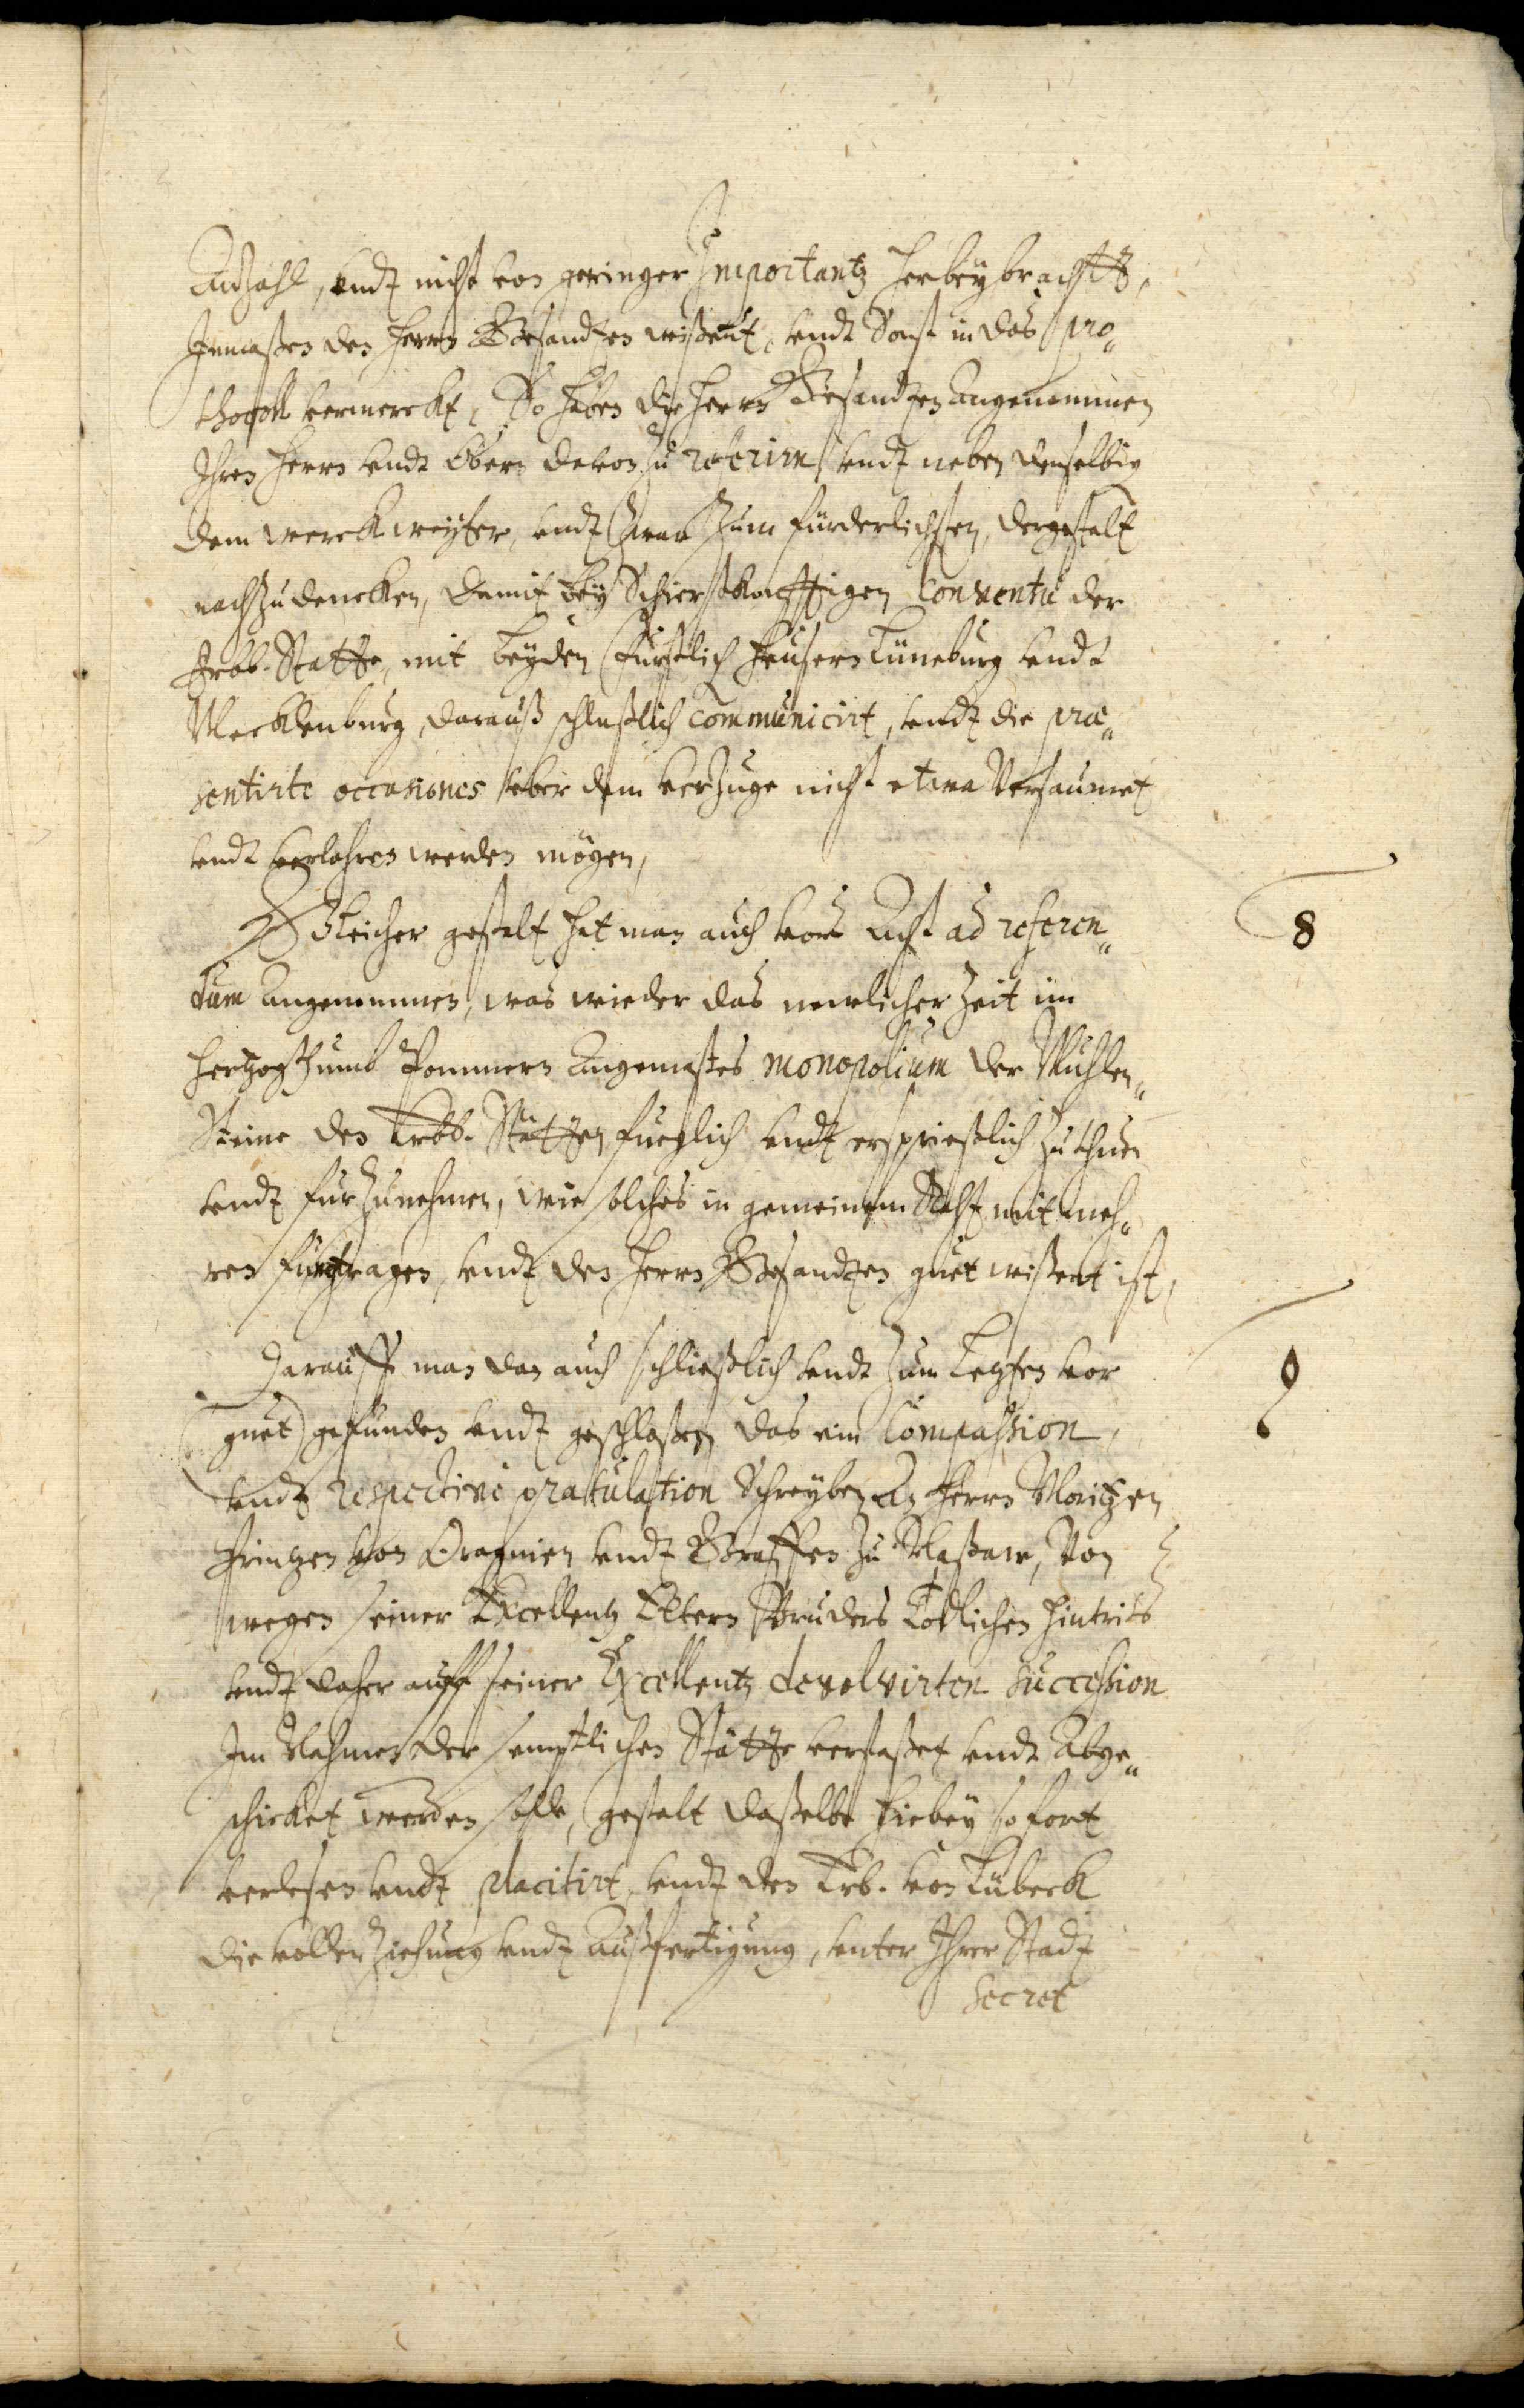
Anzahl, vndt nicht von geringer Importantz herbeijbrachtt,
Inmaßen den herrn Gesandten wißent, vndt Sonst in das pro¬
thocoll vermerckt, So haben die herrn Gesandten Angenommen
Ihren herrn vndt Obern davon zu referirn, vndt neben denselbigen
dem werck weijter, vndt zwar zum fürderlichsten, dergestalt
nachzudencken, damit beij Schierstkonfftigen conventu der
Erbb. Statte, mit beijden Furstlichen heusern Lüneburg vndt
Mecklenburg, darauß schlußlich communicirt, vndt die præ¬
sentirte occasiones vber dem verzuge nicht etwa Versaumet
vndt verlohren werden mögen,
Gleicher gestalt hat man auch vors Acht ad referen¬
dum Angenommen, was wieder das newlicher Zeit im
hertzogthumb Pommern Angemastes monopolium der Muhlen¬
Steine den Erbb. Stätten fueglich vndt ersprießlich zu thuen
vndt furzunehmen, wie solches in gemeinem Raht mit meh¬
ren furgtragen, vndt den herrn Gesandten guet wißent ist,
darauff man dan auch schließlich vndt zum Letzten vor
guet gefunden vndt geschloßen, das ein Compassion,
vndt respective gratulation Schreijben An herrn Moritzen,
Printzen von Oragnien vndt Graffen zu Naßaw, Von
wegen seiner Excellentz Eltern Bruders Todlichen hintrits
vndt daher auff seiner Excellentz devolvirten succession
Im Nahmen der semptlichen Stätte verfaßet vndt Abge¬
schicket werden solle, gestalt daßelbe hiebeij sofort
verlesen vndt placitirt vndt den Erb. von Lübeck
die vollerziehung vndt Außfertigung, vnter Ihrer Stadt
Secret
8
9
